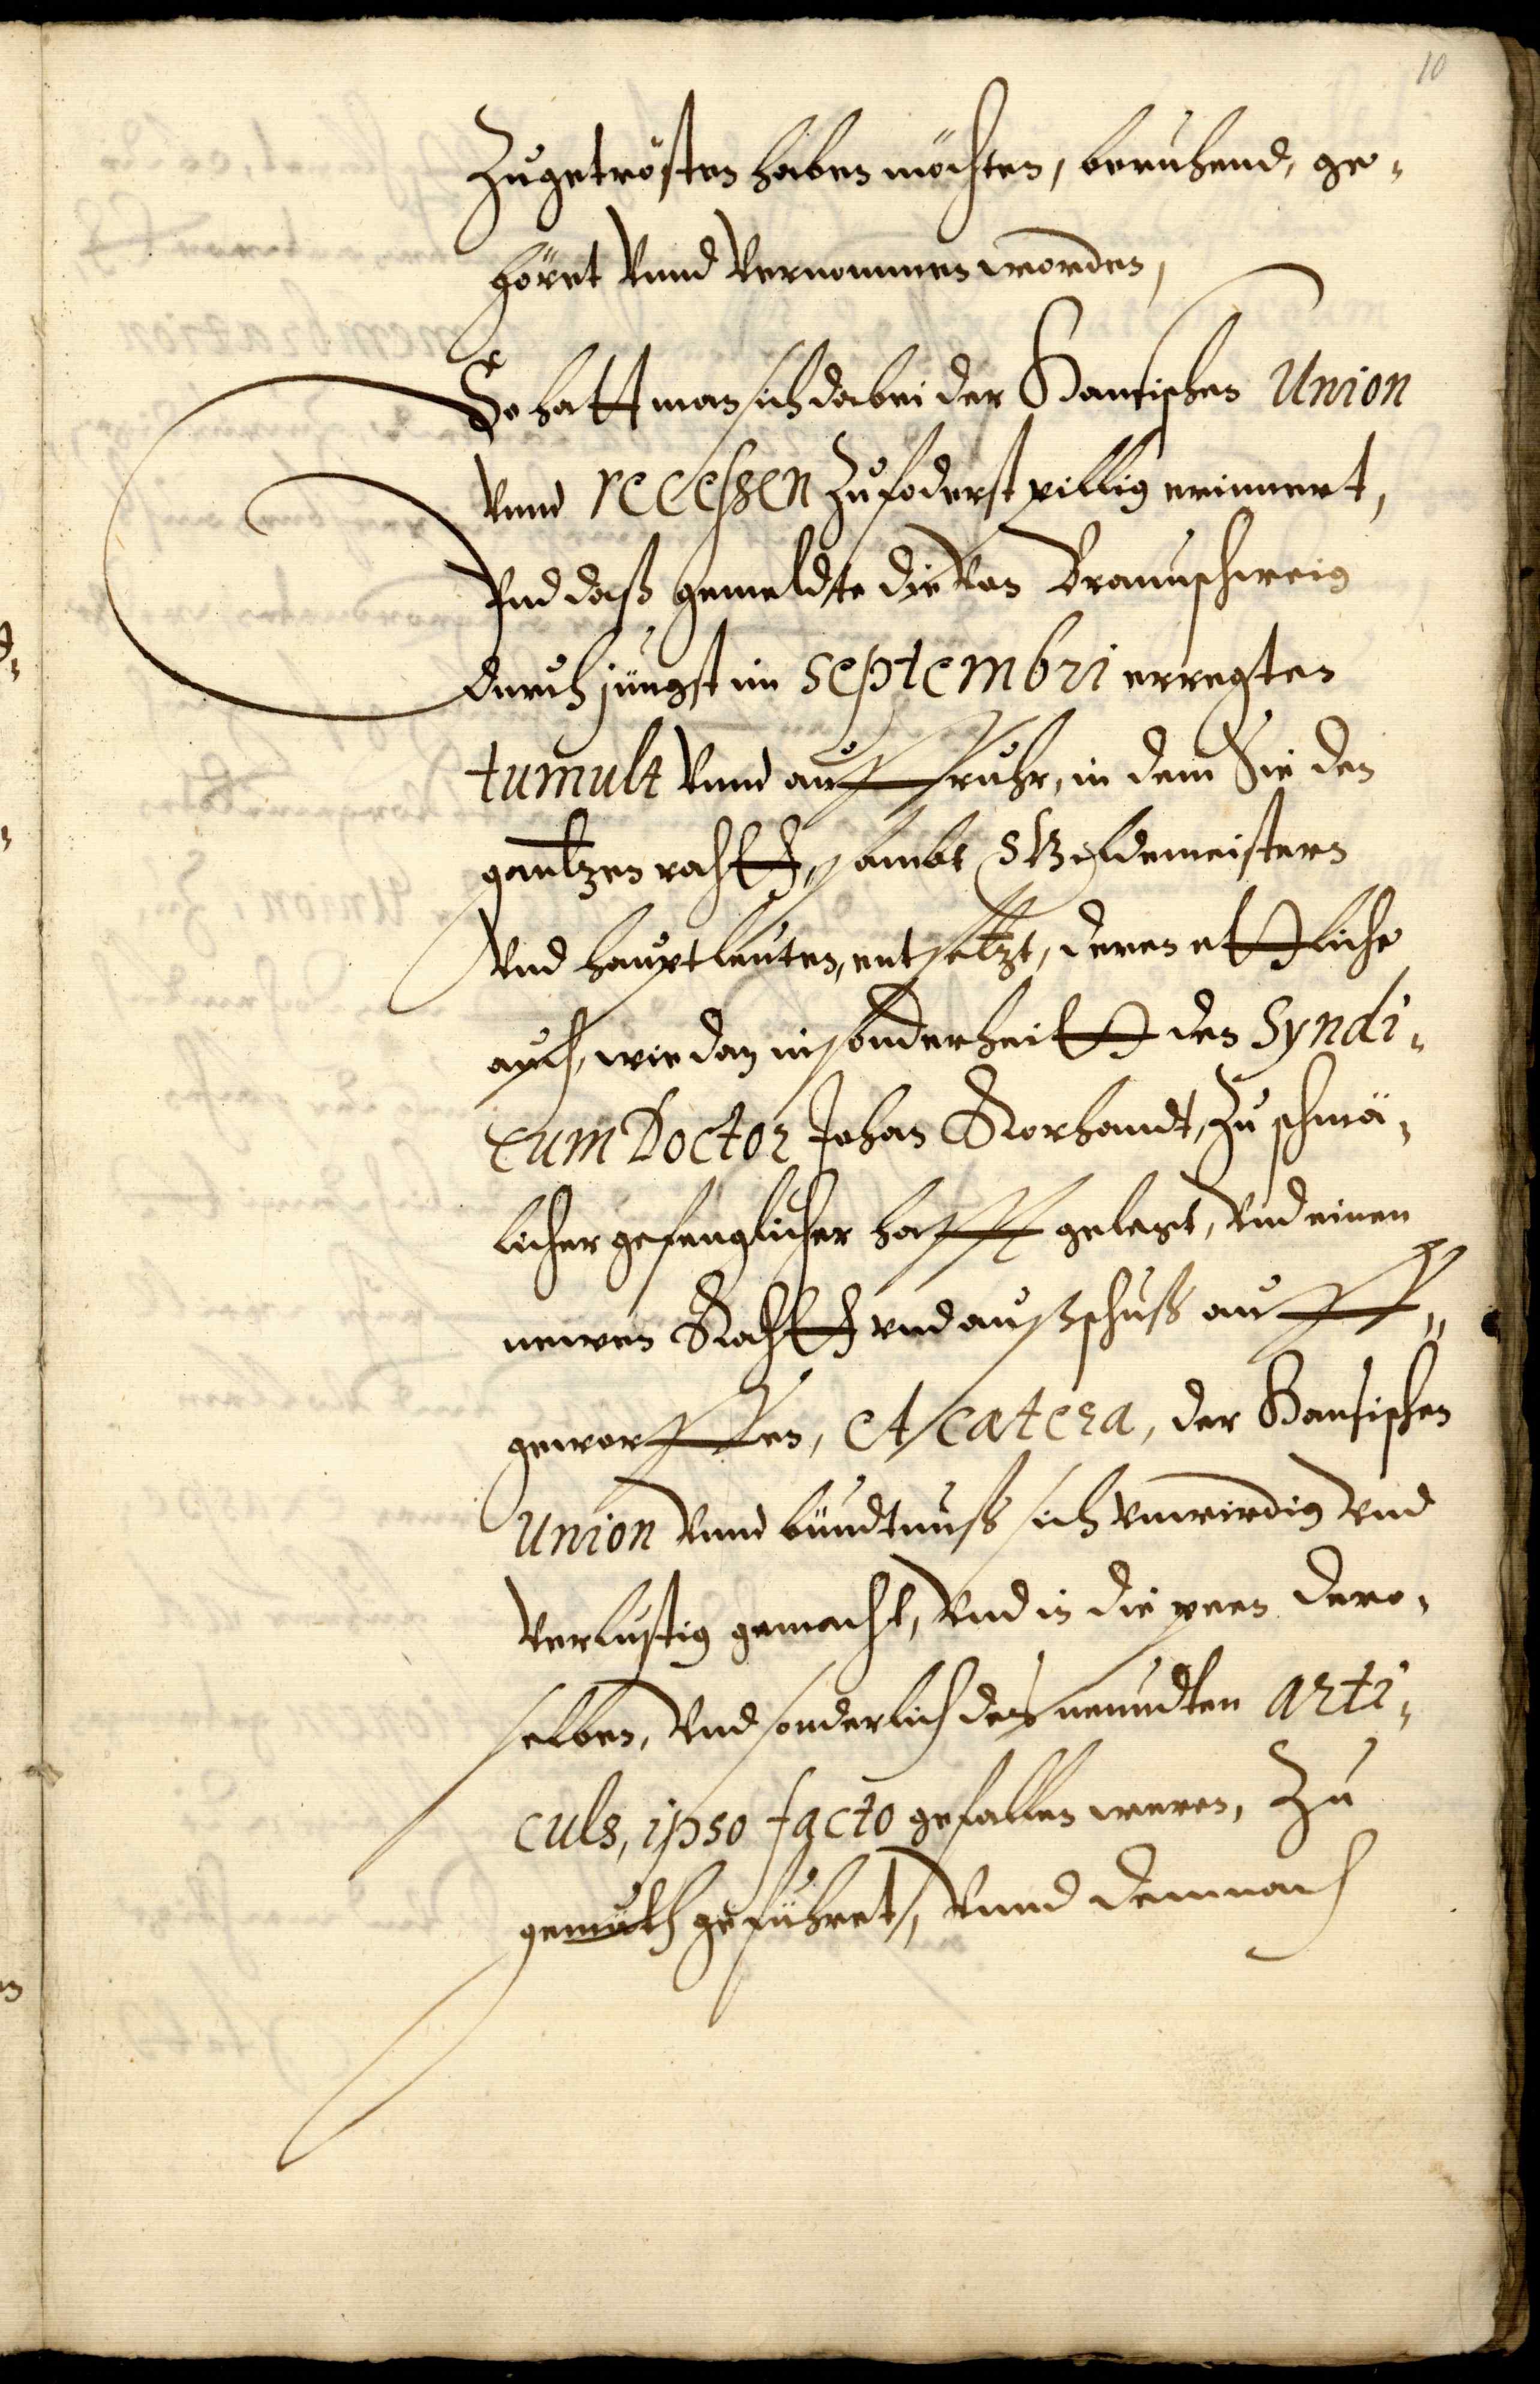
zugetrösten haben möchten, beruhend, ge¬
höret Vnnd vernommen worden,
So hatt man sich dabei der Hansischen Union
Vnnd recessen zufoderst pillig erinnert,
Vnd Das gemeldte die Von Braunschweig
Durch jüngst im septembri eregten
tumult Vnnd auffruhr, in dem Sie den
ganzen rahtt, sambt Gildemeistern
Vnd Hauptleuten, entsetzt, deren ettliche
auch wie dan insonderheitt den Syndi¬
cum Doctor Johan Rorhandt, zu schmä¬
licher gefenglicher hafft gelegt, Vnd einen
newen Rahtt vnd außschuß auff¬
geworfen, et caetera, der Hansischen
Union Vnnd bündtnuß sich vnwirdig Vnd
Verlustig gemacht, Vnd in die peen dero¬
selben, Vnd sonderlich des neundten arti¬
culs, ipso facto gefallen weren, zu
gemüth geführet, Vnnd Demnach
